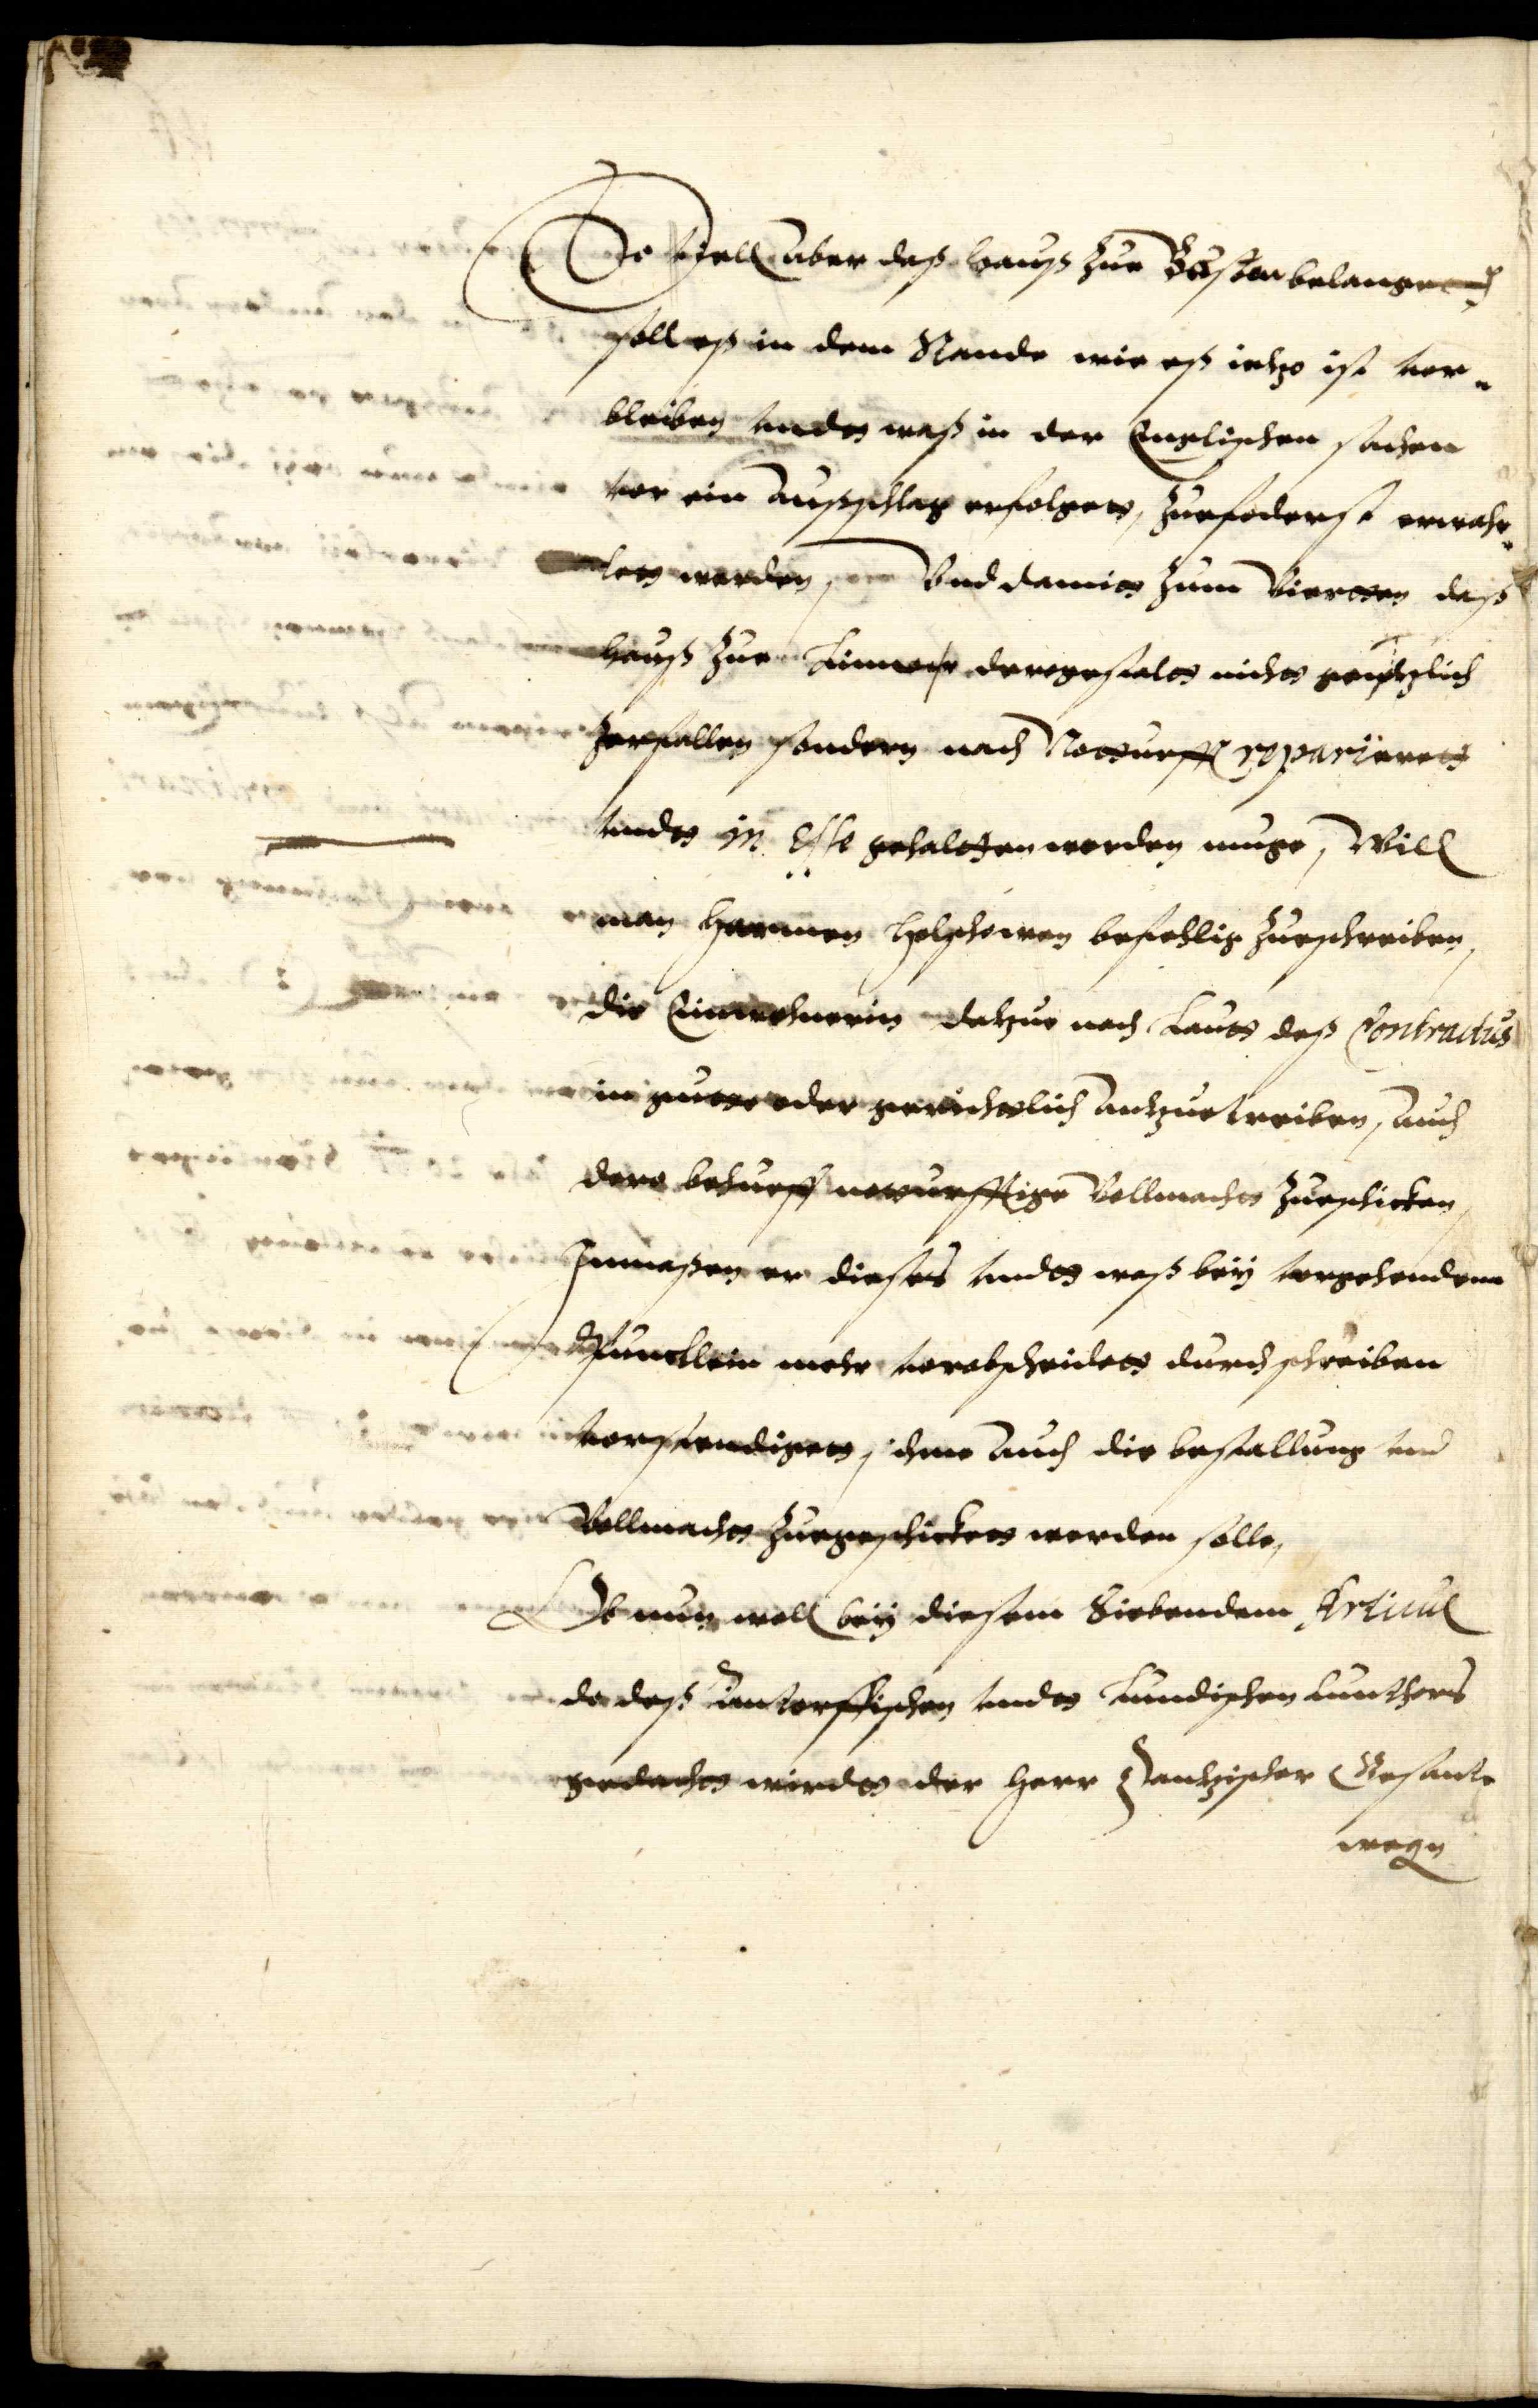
So viell Aber daß hauß zue Boston belangett
soll eß in dem Stande wie eß ietzo ist ver¬
bleiben vndtt waß in der Englischen sachen
vor ein Ausschlag erfolgett, zueforderst erwahr¬
tett werden, Vnd damitt zum Viertten daß
hauß zue Linnew derogestaltt nichtt gentzlich
zerfallen sondern nach Notturfft reparierett
vndtt in Esse gehaltten werden muge, Will
man Harmen Holschowen befehlig zueschreiben,
die Einwohnerin datzue nach Lautt deß Contractus
in gutte oder gerichttlich Antzuetreiben, Auch
dero behueff notturfftiger Vollmachtt zueschicken,
Inmaßen er dieses vndtt waß beij vorgehendem
Punctlein mehr vorabscheidett durch schreiben
vorstendigett, ihme Auch die bestallung vnd
Vollmachtt zuegeschickett werden solle,
Ob nun woll beij diesem Siebendem Articul
do deß Antorffischen vndtt Lundischen Cunthors
gedachtt wirdtt der herr Dantzischer Gesante
wegen
